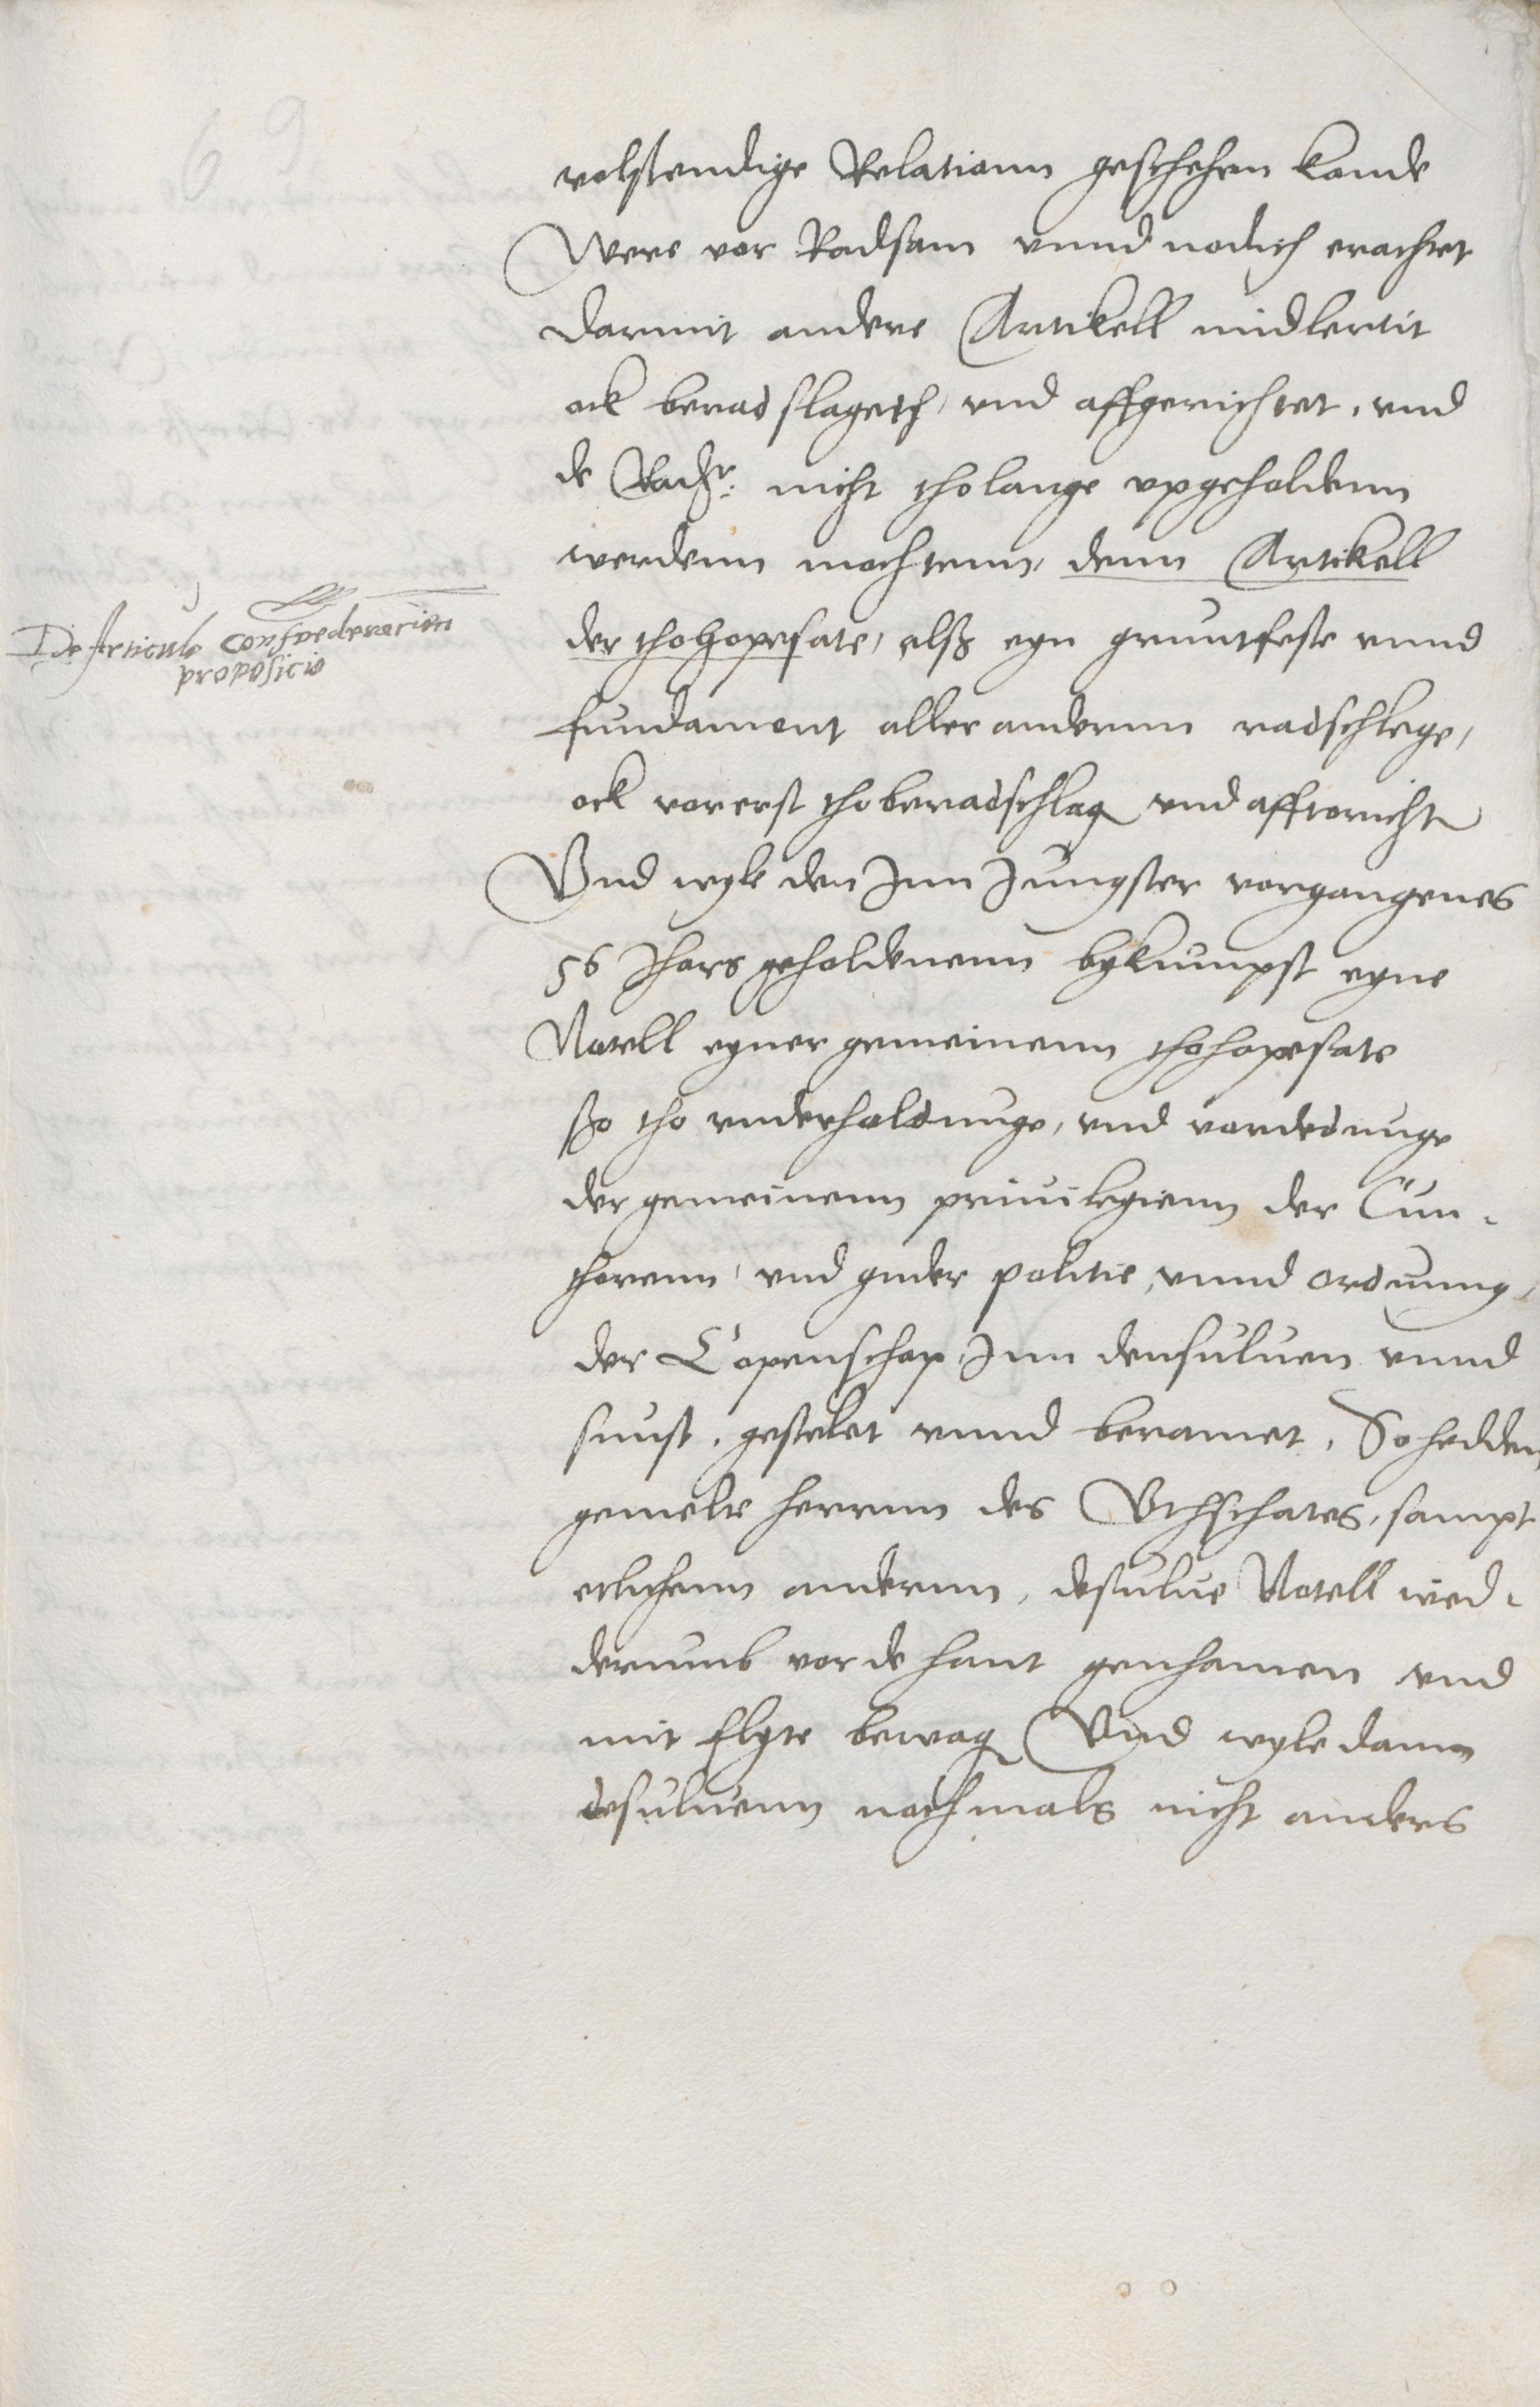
De Articulo confoederation
proposicio
volstendige Relationn geschehen konde
Were vor Radsam vnnd nodich erachtet
darmit andere Artikell midlertit
ock beradslageth, vnd affgerichtet, vnd
de Radessendeboten nicht tho lange vpgeholdenn
werdenn mochtenn, denn Artikell
der thohopesate, alß eyn gruntfeste vnnd
fundament aller andernn radschlege,
ock vorerst thoberadschlagen vnd afftorichten
Vnd wyle den jnn jungster vorgangenes
56 jhars geholdenenn bykumpst eyne
Notell eyner gemeinenn thohopesate
ßo tho vnderholdunge, vnd vordedunge
der gemeinenn priuilegienn der Cun¬
thorenn, vnd guder politie, vnnd Ordnung
der Copenschap, jnn densuluen vnnd
sunst, gestelet vnnd beramet, So hedden
gemelte herrnn des Vthschates, sampt
etlichenn andernn, desulue Notell wed¬
derumb vor de hant genhamen vnd
mit flyte bewagen Vnd wyle dann
desuluenn nochmals nicht anders
